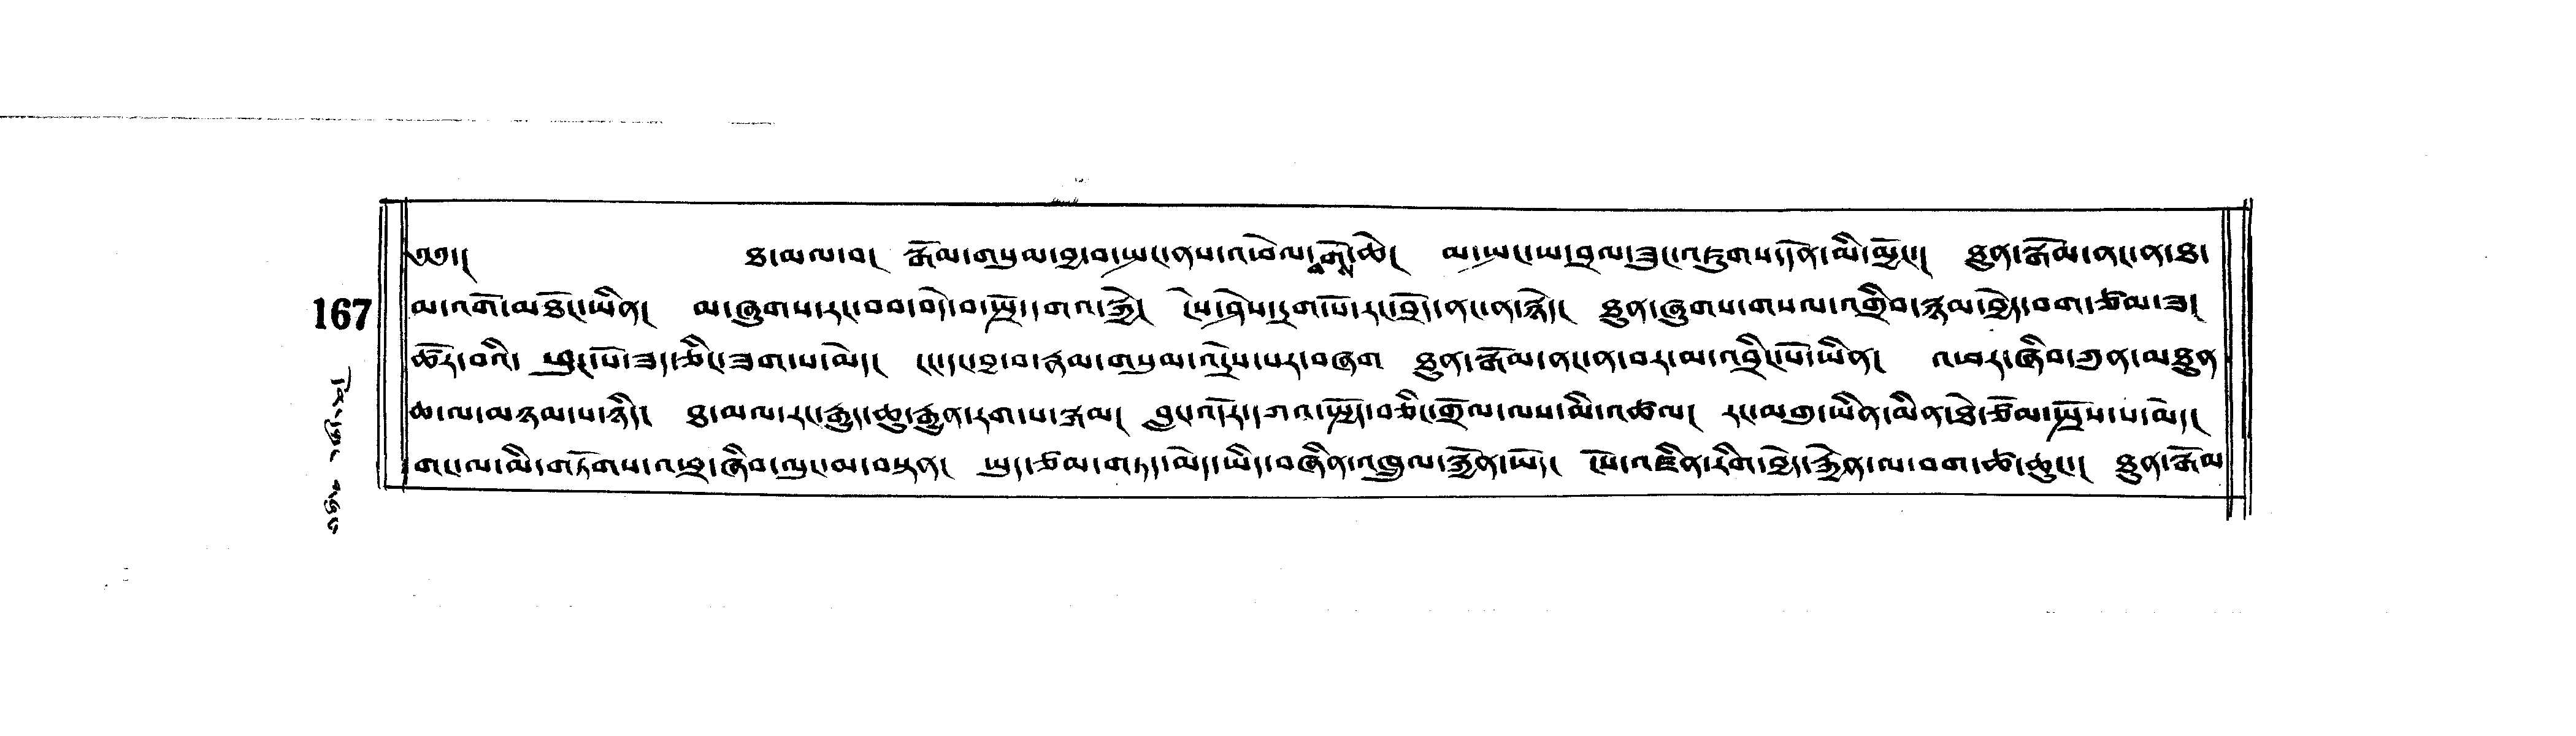ཐ་མལ་བ། སྒོམ་གསུམ་བྱ་བ་སྤང་ནས་འཕེལ་བགོས་ཆེ། མ་སྤང་ཡ་བྲལ་ཟུང་འཇུག་དོན་མི་མྱོང་། ཐུན་སྒོམ་ངང་ནས་ཐ་
མ་འགོ་མཐོང་ཡིན། མ་ཞུགས་རང་བབས་བདེ་བ་སྤྲོ་དགའ་སྐྱེ། ངེས་ཤེས་དྲག་པོ་རང་བྲོད་ནང་ན་རྙེད། ཐུན་ཞུགས་གསལ་འགྲིབ་སྙམ་བྱེད་བག་ཙམ་ཟ། 
ཚོར་བའི་ཕུང་པོ་ཟད་ཅིང་ཟག་པ་མེད། ངང་དང་བྱ་བ་རྣམ་གསུམ་འདྲེས་པར་བཞག ཐུན་སྒོམ་ནང་ན་བར་མ་འབྲིང་པོ་ཡིན། འཕར་ཞིབ་ཀུན་མཐུན་
ཆ་ལ་མཉམ་པ་ཉིད། ཐ་མལ་རང་རྒྱུད་ཆུ་རྒྱུན་རག་པ་སྐམ། བླང་དོར་དཀའ་སྤྱོད་བཅིང་གྲོལ་ལས་མི་འཚལ། རང་འགུ་ཡིན་མིན་ཐེ་ཚོམ་སྤྲོས་པ་མེད། 
གང་ལ་མི་རྟོག་འཕྲ་ཞིབ་ལུང་མ་བསྟན། ཡུད་ཙམ་གཏད་མེད་ཡིད་བཞིན་འཁྲུལ་སྐྱོན་ཡོད། ངོས་འཛིན་རིག་བྱེད་རྐྱེན་ལ་བག་ཚ་ཆུང་། ཐུན་སྒོམ་